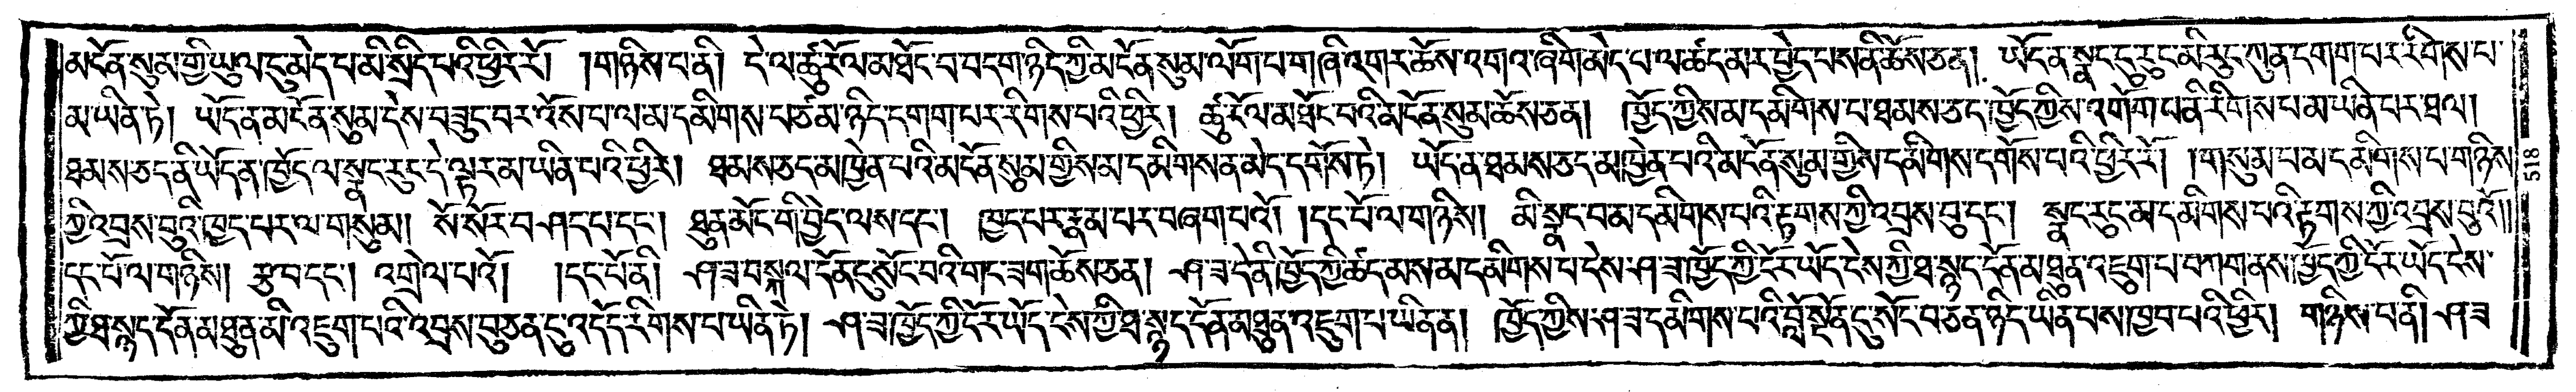མངོན་སུམ་གྱི་ཡུལ་དུ་མེད་པ་མི་སྲིད་པའི་ཕྱིར་རོ། །གཉིས་པ་ནི། དེ་ལ་ཚུ་རོལ་མཐོང་བ་བདག་ཉིད་ཀྱི་མངོན་སུམ་ལོག་པ་གཞི་འགར་ཆོས་འགའ་ཞིག་མེད་པ་ལ་ཚད་མར་བྱེད་པས་ནི་ཆོས་ཅན། ཡོད་ན་སྣང་དུ་རུང་མི་རུང་ཀུན་དགག་པར་རིགས་པ་
མ་ཡིན་ཏེ། ཡོད་ན་མངོན་སུམ་དེས་བཟུང་བར་འོས་པ་ལ་མ་དམིགས་པ་ཙམ་ཉིད་དགག་པར་རིགས་པའི་ཕྱིར། ཚུ་རོལ་མཐོང་བའི་མངོན་སུམ་ཆོས་ཅན། ཁྱོད་ཀྱིས་མ་དམིགས་པ་ཐམས་ཅད་ཁྱོད་ཀྱིས་འགོག་པ་ནི་རིགས་པ་མ་ཡིན་པར་ཐལ།
ཐམས་ཅད་ནི་ཡོད་ན་ཁྱོད་ལ་སྣང་རུང་དེ་ལྟར་མ་ཡིན་པའི་ཕྱིར། ཐམས་ཅད་མཁྱེན་པའི་མངོན་སུམ་གྱིས་མ་དམིགས་ན་མེད་དགོས་ཏེ། ཡོད་ན་ཐམས་ཅད་མཁྱེན་པའི་མངོན་སུམ་གྱིས་དམིགས་དགོས་པའི་ཕྱིར་རོ། །གསུམ་པ་མ་དམིགས་པ་གཉིས་
ཀྱི་འབྲས་བུའི་ཁྱད་པར་ལ་གསུམ། སོ་སོར་བཤད་པ་དང་། ཐུན་མོང་གི་བྱེད་ལས་དང་། ཁྱད་པར་རྣམ་པར་བཞག་པའོ། །དང་པོ་ལ་གཉིས། མི་སྣང་བ་མ་དམིགས་པའི་རྟགས་ཀྱི་འབྲས་བུ་དང་། སྣང་རུང་མ་དམིགས་པའི་རྟགས་ཀྱི་འབྲས་བུའོ།།
དང་པོ་ལ་གཉིས། རྩ་བ་དང་། འགྲེལ་པའོ། །དང་པོ་ནི། ཤ་ཟ་བསྐལ་དོན་དུ་སོང་བའི་གང་ཟག་ཆོས་ཅན། ཤ་ཟ་དེ་ནི་ཁྱོད་ཀྱི་ཚད་མས་མ་དམིགས་པ་དེས་ཤ་ཟ་ཁྱོད་ཀྱི་ངོར་ཡོད་ངེས་ཀྱི་ཐ་སྙད་དོན་མཐུན་འཇུག་པ་བཀག་ནས་ཁྱོད་ཀྱི་ངོར་ཡོད་ངེས་
ཀྱི་ཐ་སྙད་དོན་མཐུན་མི་འཇུག་པའི་འབྲས་བུ་ཅན་དུ་འདོད་རིགས་པ་ཡིན་ཏེ། ཤ་ཟ་ཁྱོད་ཀྱི་ངོར་ཡོད་ངེས་ཀྱི་ཐ་སྙད་དོན་མཐུན་འཇུག་པ་ཡིན་ན། ཁྱོད་ཀྱིས་ཤ་ཟ་དམིགས་པའི་བློ་སྔོན་དུ་སོང་བ་ཅན་ཉིད་ཡིན་པས་ཁྱབ་པའི་ཕྱིར། གཉིས་པ་ནི། ཤ་ཟ་